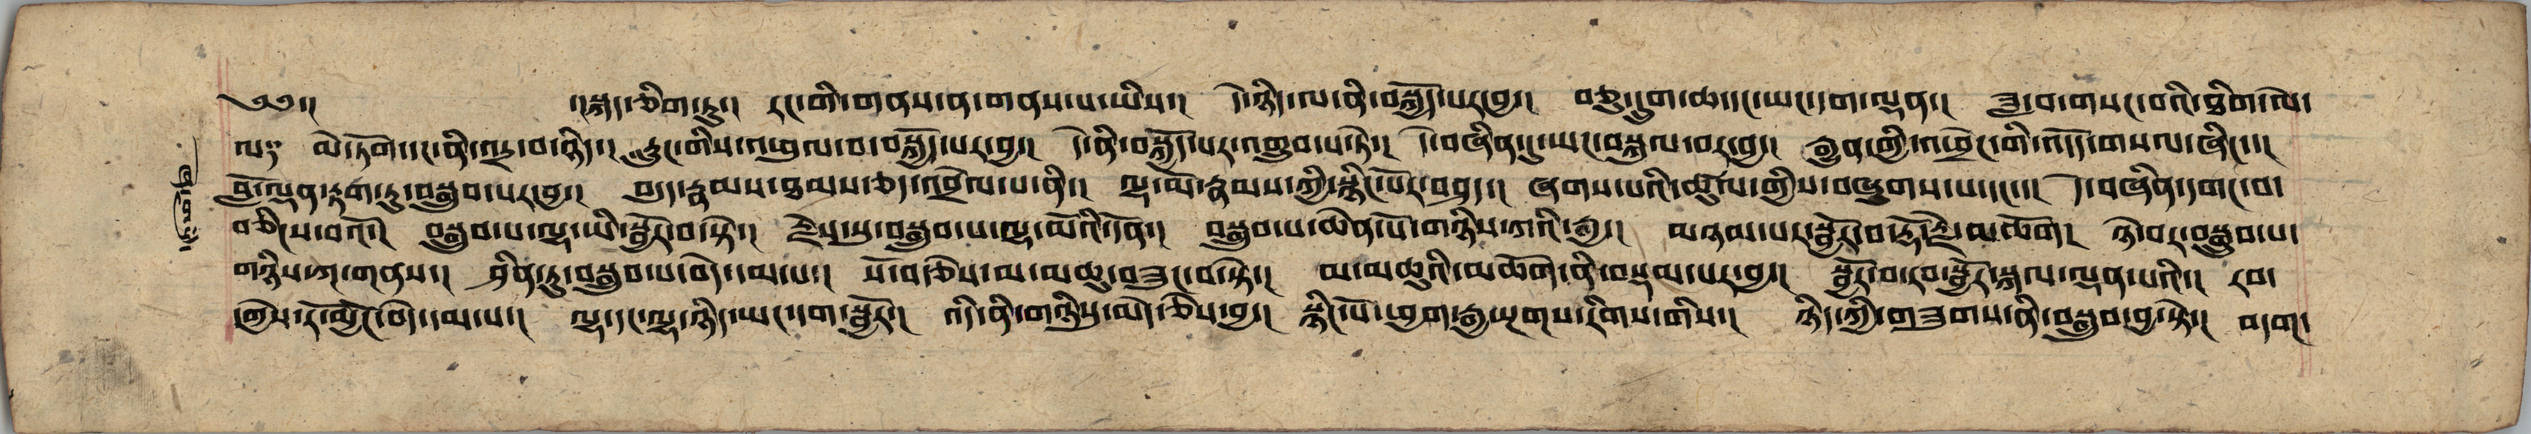༄༅་། ་།སྐད་ཅིག་ཏུ་། རང་གི་གནས་ན་གནས་པ་ཡིས་། དེ་ཉིད་ལ་ནི་བསྐྱོད་པར་བྱ་། བཅུ་དྲུག་ཆ་དང་ཡང་དག་ལྡན་། ཟླ་བ་གསང་བའི་ཐིག་ལེ་
ལ༑ མེ་ཏོག་དང་ནི་འདྲ་བ་ཉིད་། རླུང་གིས་འཕུལ་བ་བསྐྱོད་པར་བྱ་། དེ་ནི་བསྐྱོད་པར་འགྲུབ་པ་ཏེ་། དེ་བཞིན་དུ་ཡང་བསྐུལ་བར་བྱ་། རྒྱུན་གྱི་འཕྲེང་གི་འདོད་གསལ་ཞིང་་།
བློ་ལྡན་རྟག་ཏུ་བསྒྲུབ་པར་བྱ་། བདུད་རྣམས་ཐམས་ཅད་འབྲེལ་པ་ནི་། ལྷ་མོ་རྣམས་ཀྱི་སྙིང་པོར་བཤད་། ཞགས་པའི་ཚུལ་གྱིས་བཞུགས་པ་དང་་། དེ་བཞིན་དགང་བ་
བཅིངས་བའོ་། བསྒྲུབ་པ་ལྷ་ཡི་སྦྱོར་བ་སྟེ་། རྗེས་སུ་བསྒྲུབ་པ་ལྷ་མོའི་དོན་། བསྒྲུབ་པ་ཆེན་པོ་གཉིས་ཀའི་རྒྱ་། མཉམ་པར་སྦྱོར་བ་རྡོ་རྗེ་མཆོག་། ཉེར་བར་བསྒྲུབ་པ་
གཉིས་ཀ་གནས་། ཤིན་ཏུ་བསྒྲུབ་པ་བདེ་དམ་པ་། སོ་བརྩེས་མ་མཆུ་བཟུང་བ་སྟེ་། མ་མཆུའི་མཆོག་ནི་བསྡམ་པར་བྱ་། སྦྱོར་བ་རབ་སྦྱོར་སྐལ་ལྡན་པའི་། རབ་
དགྱེས་རོ་མྱོང་བདེ་དམ་པ་། ལྷ་དང་ལྷ་ཉིད་ཡང་དག་སྦྱོར་། འདི་ནི་གཉིསུ་མེད་ཅེས་བྱ་། སྙིང་པོ་ཕྱག་རྒྱ་སྔགས་རིགས་གིས་། ཉིད་ཀྱི་གཟུགས་ནི་བསྒྲུབ་བྱ་སྟེ་། བདག་